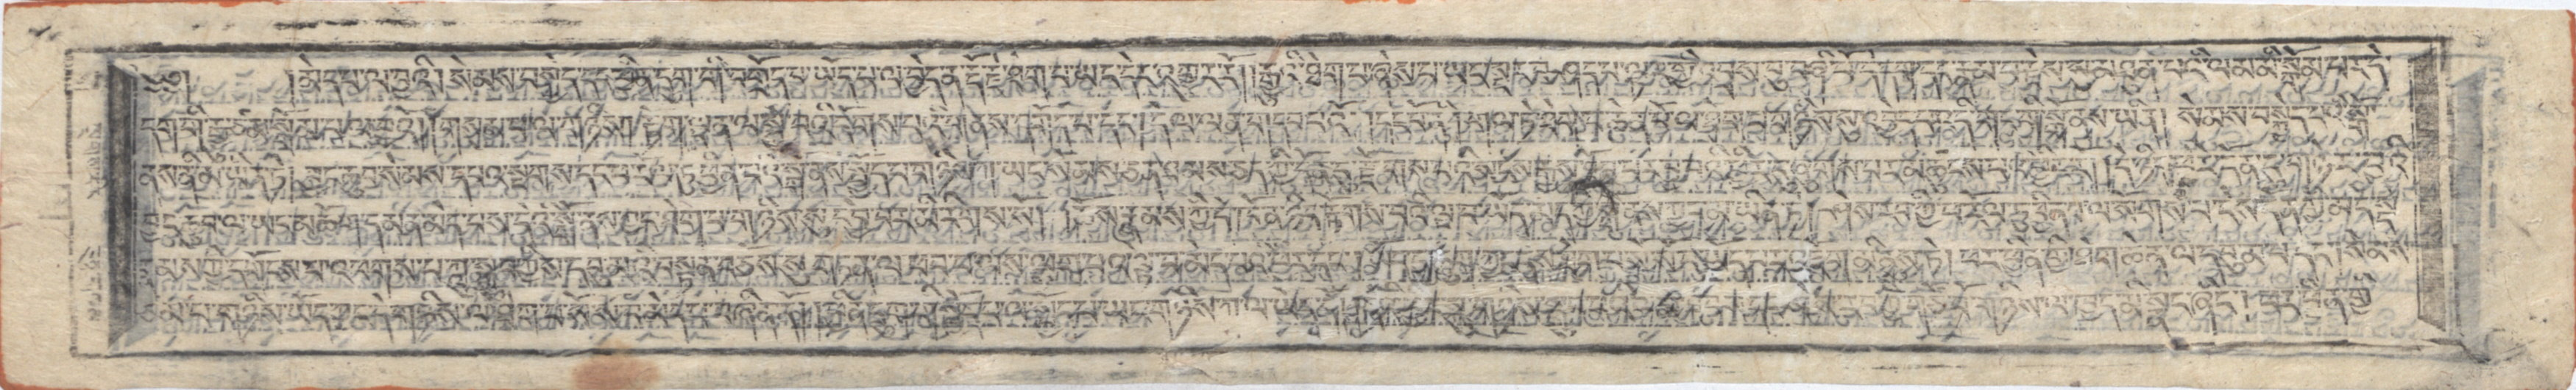༄༅། །མེད་པ་ལ་བྱའི། སེམས་བསྐྱེད་དང་ཕྱིན་དྲུག་གི་བགྲོད་པ་ཡོད་པ་ལ་བྱེད་ན་རྡོ་རྗེ་ཐེག་པ་ཡང་དེར་འགྱུར་རོ། །རྒྱུའི་ཐེག་པ་ཞེས་པ་ཡང་སྔར་བཤད་པ་ལྟར་གྱི་འབྲས་བུ་བཞི་པོ་དེ་དག་དང་རྣམ་པ་རྗེས་སུ་མཐུན་པའི་ལམ་མི་སྒོམ་པར་དེ་
དག་གི་རྒྱུ་ཙམ་སྒོམ་པ་ལ་བྱའོ། །གསུམ་པ་ལ་གཉིས། རྟོག་ལྡན་ལ་སྐྱེ་བའི་དོགས་པའི་གནས་དགོད་པ་དང་། དེ་ལ་ལན་གདབ་པའོ། །དང་པོ་ནི། གལ་ཏེ་ཐེག་པ་ཆེན་པོ་ལ་ཐེག་པ་གཉིས་སུ་འབྱེད་པ་འདི་གང་གི་སྒོ་ནས་ཡིན། སེམས་བསྐྱེད་པའི་སྒོ་
ནས་ནི་མ་ཡིན་ཏེ། བྱང་ཆུབ་སེམས་དཔའ་སྔགས་དང་ཕ་རོལ་ཏུ་ཕྱིན་པའི་སྒོ་ནས་སྤྱོད་པ་གཉིས་ཀ་ཡང་སེམས་ཅན་ཐམས་ཅད་ཀྱི་དོན་དུ་རྫོགས་པའི་སངས་རྒྱས་ཐོབ་པར་བྱ་བའི་ཕྱིར་དུ་ཞུགས་པར་མཚུངས་པའི་ཕྱིར་རོ། །དེ་ཉིད་ཀྱི་ཕྱིར་དོན་དུ་གཉེར་བྱའི་
བྱང་ཆུབ་ལ་ཡང་མཆོག་དམན་མེད་པས་དེའི་སྒོ་ནས་ཀྱང་ཐེག་པ་གཉིས་སུ་དབྱེ་བར་མི་རིགས་སོ། །ཆོས་རྣམས་ཀྱི་དེ་ཁོ་ན་ཉིད་རྟོགས་པའི་ལྟ་བ་ཡོད་མེད་ཀྱི་སྒོ་ནས་ཀྱང་མ་ཡིན་ཏེ། ཤེས་རབ་ཀྱི་ཕ་རོལ་ཏུ་ཕྱིན་པ་ལ་སོགས་པ་ངེས་དོན་གྱི་མདོ་སྡེ་
རྣམས་ཀྱི་དགོངས་པ་འཕགས་པ་ཀླུ་སྒྲུབ་ཀྱིས་དབུ་མའི་བསྟན་བཅོས་སུ་གཏན་ལ་ཕབ་པ་ལས་ལྷག་པའི་ལྟ་བ་མེད་པའི་ཕྱིར་དང་། ཡོད་དུ་ཆུག་ཀྱང་དེས་ཐེག་པ་སོ་སོ་བ་ཡོད་པར་འཇོག་མི་ནུས་ཏེ། ཕར་ཕྱིན་གྱི་ཐེག་ཆེན་ལ་དབུ་མ་པ་དང་། སེམས་
ཙམ་པ་གཉིས་ཡོད་ཀྱང་དེ་གཉིས་ལ་ཐེག་པ་སོ་སོ་བ་མེད་པ་བཞིན་ནོ། །ཕྱིན་དྲུག་གི་སྤྱོད་པ་ལ་སྤྱོད་པ་ཡང་གཉིས་ཀ་ལ་ཡོད་དོ། །དེའི་ཕྱིར་སྐུ་གཉིས་སྒྲུབ་པའི་ལམ་ཐབས་དང་ཤེས་རབ་ཀྱི་གཙོ་བོ་གཉིས་ལ་ཁྱད་མི་སྣང་ཞིང་། ཕར་ཕྱིན་གྱི་